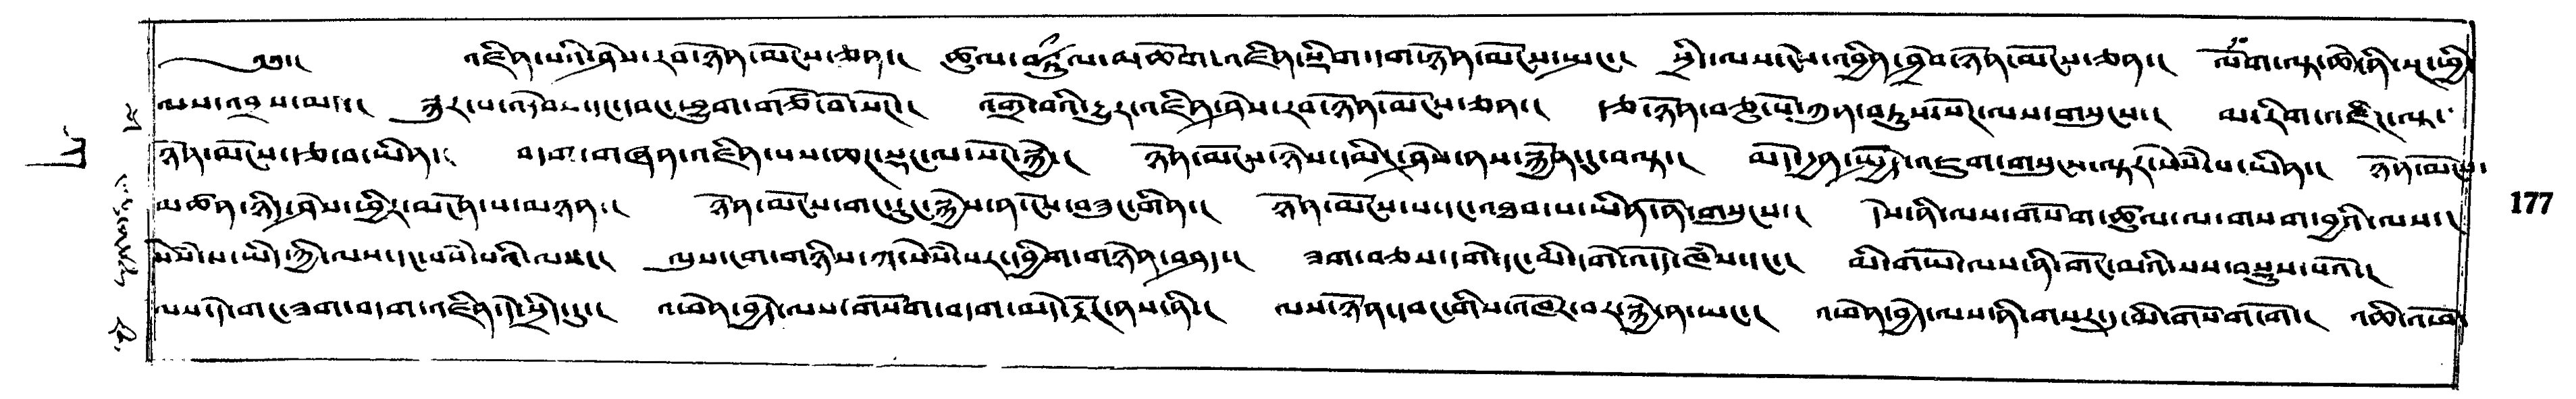འཛིན་པའི་ཤེས་རབ་ཉོན་མོངས་ཅན། །ཚུལ་བརྟུལ་མཆོག་འཛིན་སྡིག་དག་ཉོན་མོངས་སྤང་། །སྲིད་ལས་ངེས་འབྱིན་ཤེས་རབ་ཉོན་མོངས་ཅན། །ལོག་ལྟ་ཚེ་ནི་སྔ་ཕྱི་
ལས་འབྲས་མེད། །སྐུར་པ་འདེབས་དང་དབང་ཕྱུག་གཙོ་བོ་སོགས། །འགྲོ་བའི་རྒྱུར་འཛིན་ཤེས་རབ་ཉོན་མོངས་ཅན། །རྩ་ཉོན་བཅུ་པོ་ཀུན་བཏུས་སོགས་ལས་གསུངས། །མ་རིག་འཇིག་ལྟ་
ཉོན་མོངས་རྩ་བ་ཡིན། །བདག་གཞན་འཛིན་པས་ཆགས་སྡང་ལ་སོགས་སྐྱེ། །ཉོན་མོངས་ཉེས་དམིགས་ཤེས་ནས་སྐྱོན་དུ་བལྟ། །མདོ་རྒྱན་སྤྱོད་འཇུག་གསུངས་ལྟར་སེམས་པ་ཡིན། །ཉོན་མོངས་
མཚན་ཉིད་ཤེས་ཕྱིར་མངོན་པ་མཉན། །ཉོན་མོངས་གང་རུང་སྐྱེས་ན་ངོས་བཟུང་གིན། །ཉོན་མོངས་པ་དང་འཐབ་པ་ཡིན་ནོ་གསུངས། །དེས་ནི་ལས་གསོག་ཚུལ་ལ་གསག་བྱའི་ལས། །
སེམས་པ་ཡིད་ཀྱི་ལས་དང་བསམ་པའི་ལས། །ལུས་ངག་གཉིས་ཀ་སེམས་པར་དབྱིག་གཉེན་བཤད། །ཟག་བཅས་དགེ་དང་མི་དགེ་འདོད་ཁམས་དང་། །མི་གཡོ་ལས་ནི་གོང་མའི་སས་བསྡུས་པའོ། །
ལས་དེ་གང་ཟག་བདག་འཛིན་དེ་སྲིད་དུ། །འཕེན་བྱེད་ལས་གསོག་བདག་མེད་རྟོགས་ནས་ནི། །ལས་ཉོན་དབང་གིས་འཁོར་བར་སྐྱེ་ན་ཡང་། །འཕེན་བྱེད་ལས་ནི་གསར་དུ་མི་གསོག་གོ།འཆི་འཕོ་